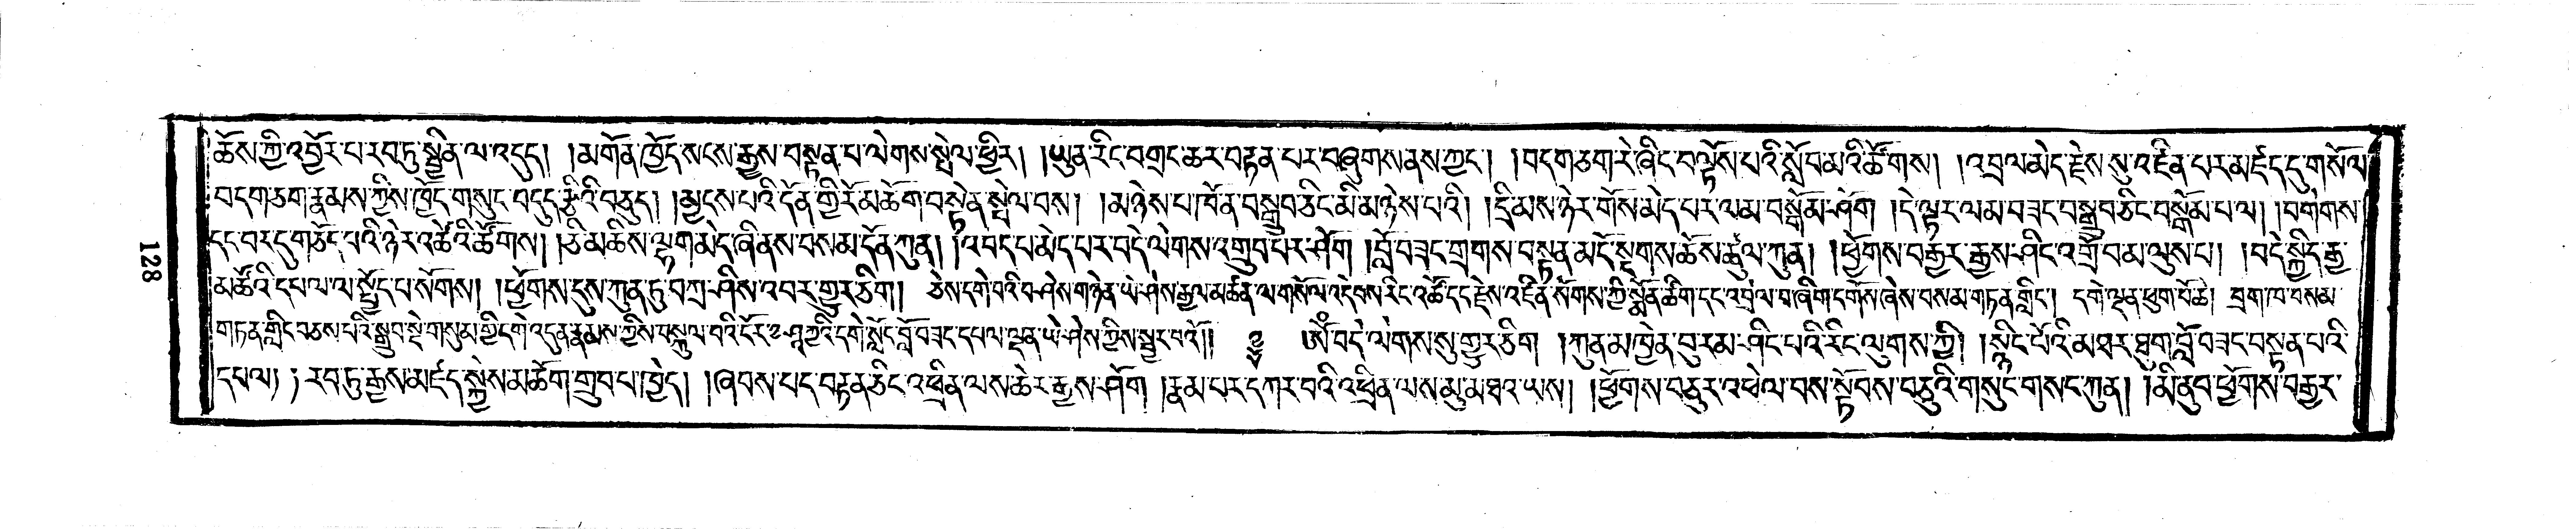ཆོས་ཀྱི་འབྱོར་པ་རབ་ཏུ་སྦྱིན་ལ་འདུད། །མགོན་ཁྱོད་སངས་རྒྱས་བསྟན་པ་ལེགས་སྤེལ་ཕྱིར། །ཡུན་རིང་བགྲང་ཆར་བརྟན་པར་བཞུགས་ནས་ཀྱང་། །བདག་ཅག་རེ་ཞིང་བལྟོས་པའི་སློབ་མའི་ཚོགས། །འབྲལ་མེད་རྗེས་སུ་འཛིན་པར་མཛད་དུ་གསོལ་
བདག་ཅག་རྣམས་ཀྱིས་ཁྱོད་གསུང་བདུད་རྩིའི་བཅུད། །མྱངས་པའི་དོན་གྱི་རོ་མཆོག་བསྟེན་སྤེལ་བས། །མཉེས་པ་ཁོ་ན་བསྒྲུབ་ཅིང་མི་མཉེས་པའི། །དྲི་མས་ཉེར་གོས་མེད་པར་ལམ་བསྒོམ་ཤོག །དེ་ལྟར་ལམ་བཟང་བསྒྲུབ་ཅིང་བསྒོམ་པ་ལ། །བགེགས་
དང་བར་དུ་གཅོད་པའི་ཉེར་འཚེའི་ཚོགས། །ཅི་མཆིས་ལྷག་མེད་ཞི་ནས་བསམ་དོན་ཀུན། །འབྡ་པ་མེད་པར་བདེ་ལེགས་འགྲུབ་པར་ཤོག། །བློ་བཟང་གྲགས་བསྟན་མདོ་སྔགས་ཆོས་ཚུལ་ཀུན། །ཕྱོགས་བརྒྱར་རྒྱས་ཤིང་འགྲོ་བ་མ་ལུས་པ། །བདེ་སྐྱིད་རྒྱ་
མཚོའི་དཔལ་ལ་སྤྱོད་པ་སོགས། །ཕྱོགས་དུས་ཀུན་ཏུ་བཀྲ་ཤིས་འབར་གྱུར་ཅིག། ཅེས་དགེ་བའི་བཤེས་གཉེན་ཡེ་ཤེས་རྒྱལ་མཚན་ལ་གསོལ་འདེབས་རིང་འཚོ་དང་རྗེས་འཛིན་སོགས་ཀྱི་སྨོན་ཚིག་དང་འབྲེལ་བ་ཞིག་དགོས་ཞེས་བསམ་གཏན་གླིང་། དགེ་ལྡན་ཕུག་པོ་ཆེ། བྲག་ཁ་བསམ་
གཏན་གླིང་བཅས་པའི་སྒྲུབ་སྡེ་གསུམ་གྱི་དགེ་འདུན་རྣམས་ཀྱིས་བསྐུལ་བའི་ངོར་༧་ཤཱཀྱའི་དགེ་སློང་བློ་བཟང་དཔལ་ལྡན་ཡེ་ཤེས་ཀྱིས་སྦྱར་བའོ།། ༈ ཨོཾ་བདེ་ལེགས་སུ་གྱུར་ཅིག །ཀུན་མཁྱེན་བུ་རམ་ཤིང་པའི་རིང་ལུགས་ཀྱི། །སྙིང་པོའི་མཐར་ཐུག་བློ་བཟང་བསྟན་པའི་
དཔལ༑ ༑རབ་ཏུ་རྒྱས་མཛད་སྐྱེས་མཆོག་གྲུབ་པ་ཁྱེད། །ཞབས་པད་བརྟན་ཅིང་འཕྲིན་ལས་ཆེ་རྒྱས་ཤོག །རྣམ་པར་དཀར་བའི་འཕྲིན་ལས་མུ་མཐའ་ཡས། །ཕྱོགས་བཅུར་འཕེལ་བས་སྟོབས་བཅུའི་གསུང་གསང་ཀུན། །མི་ནུབ་ཕྱོགས་བརྒྱར་